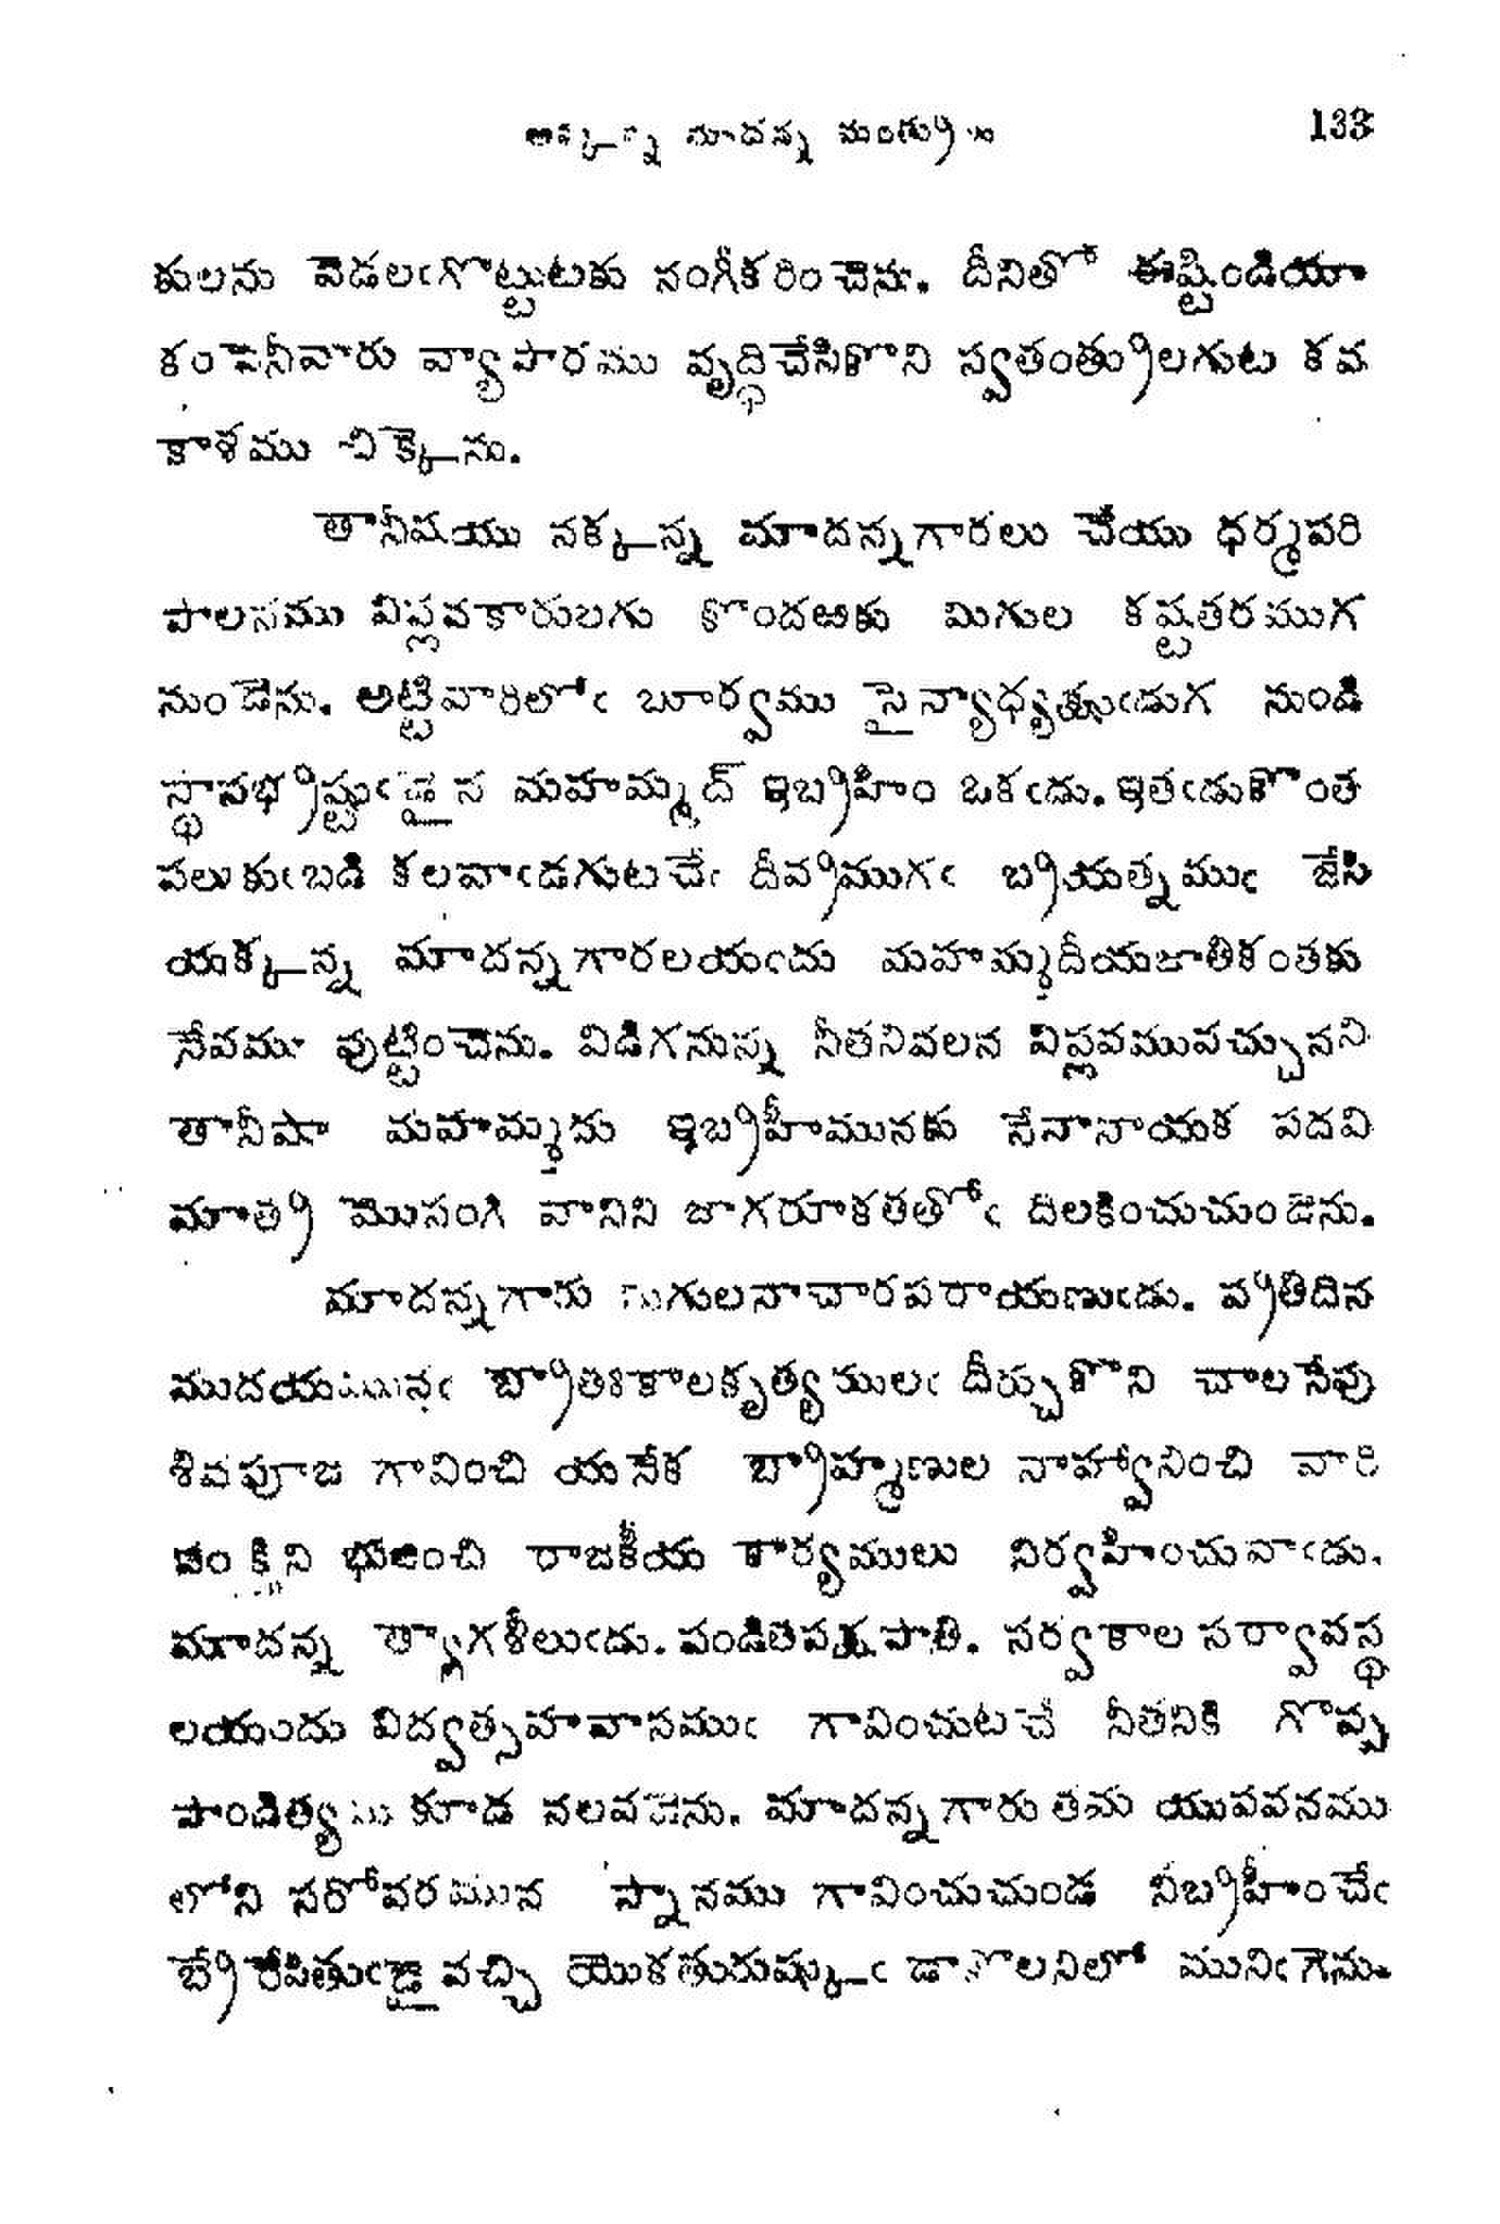కులను వెడలగొట్టుటకు నంగీకరించెను. దీనితో ఈష్టిండియా కంపెనీవారు వ్యాపారము వృద్ధిచేసికొని స్వతంత్రులగుట కవకాశము చిక్కెను.

తానీషయు నక్కన్న మాదన్న గారలు చేయు ధర్మపరిపాలనము విప్లవకారులగు కొందఱకు మిగుల కష్టతరముగ నుండెను. అట్టివారిలో బూర్వము సైన్యాధ్యక్షుడుగ నుండి స్థానభ్రష్టుడైన మహమ్మద్ ఇబ్రహీం ఒకడు. ఇతడుకొంత పలుకుబడి కలవాడగుటచే దీవ్రముగ బ్రయత్నము జేసి యక్కన్న మాదన్నగారలయందు మహమ్మదీయజాతికంతకు నేవము పుట్టించెను. విడిగనున్న నీతనివలన విప్లవమువచ్చునని తానీషా మహమ్మదు ఇబ్రహీమునకు సేనానాయక పదవి మాత్ర మొసంగి వానిని జాగరూకతో దిలకించుచుండెను.

మాదన్నగారు మిగులనాచారపరాయణుడు. ప్రతిదినముదయమున బ్రాత:కాలకృత్యముల దీర్చుకొని చాలసేపు శివపూజ గావించి యనేక బ్రాహ్మణుల నాహ్వానించి వారి పంక్తిని భుజించి రాజకీయ కార్యములు నిర్వహించువాడు. మాదన్న త్యాగశీలుడు. పండితపక్షపాతి. సర్వకాల సర్వావస్థలయందు విద్వత్సహవాసము గావించుటచే నీతనికి గొప్ప పాండిత్యము కూడ నలవడెను. మాదన్నగారు తమ యుపవనములోని సరోవరమున స్నానము గావించుచుండ నిబ్రహీంచే బ్రేరేపితుడై వచ్చి యొకతురుష్కు డా కొలనిలో మునిగెను.